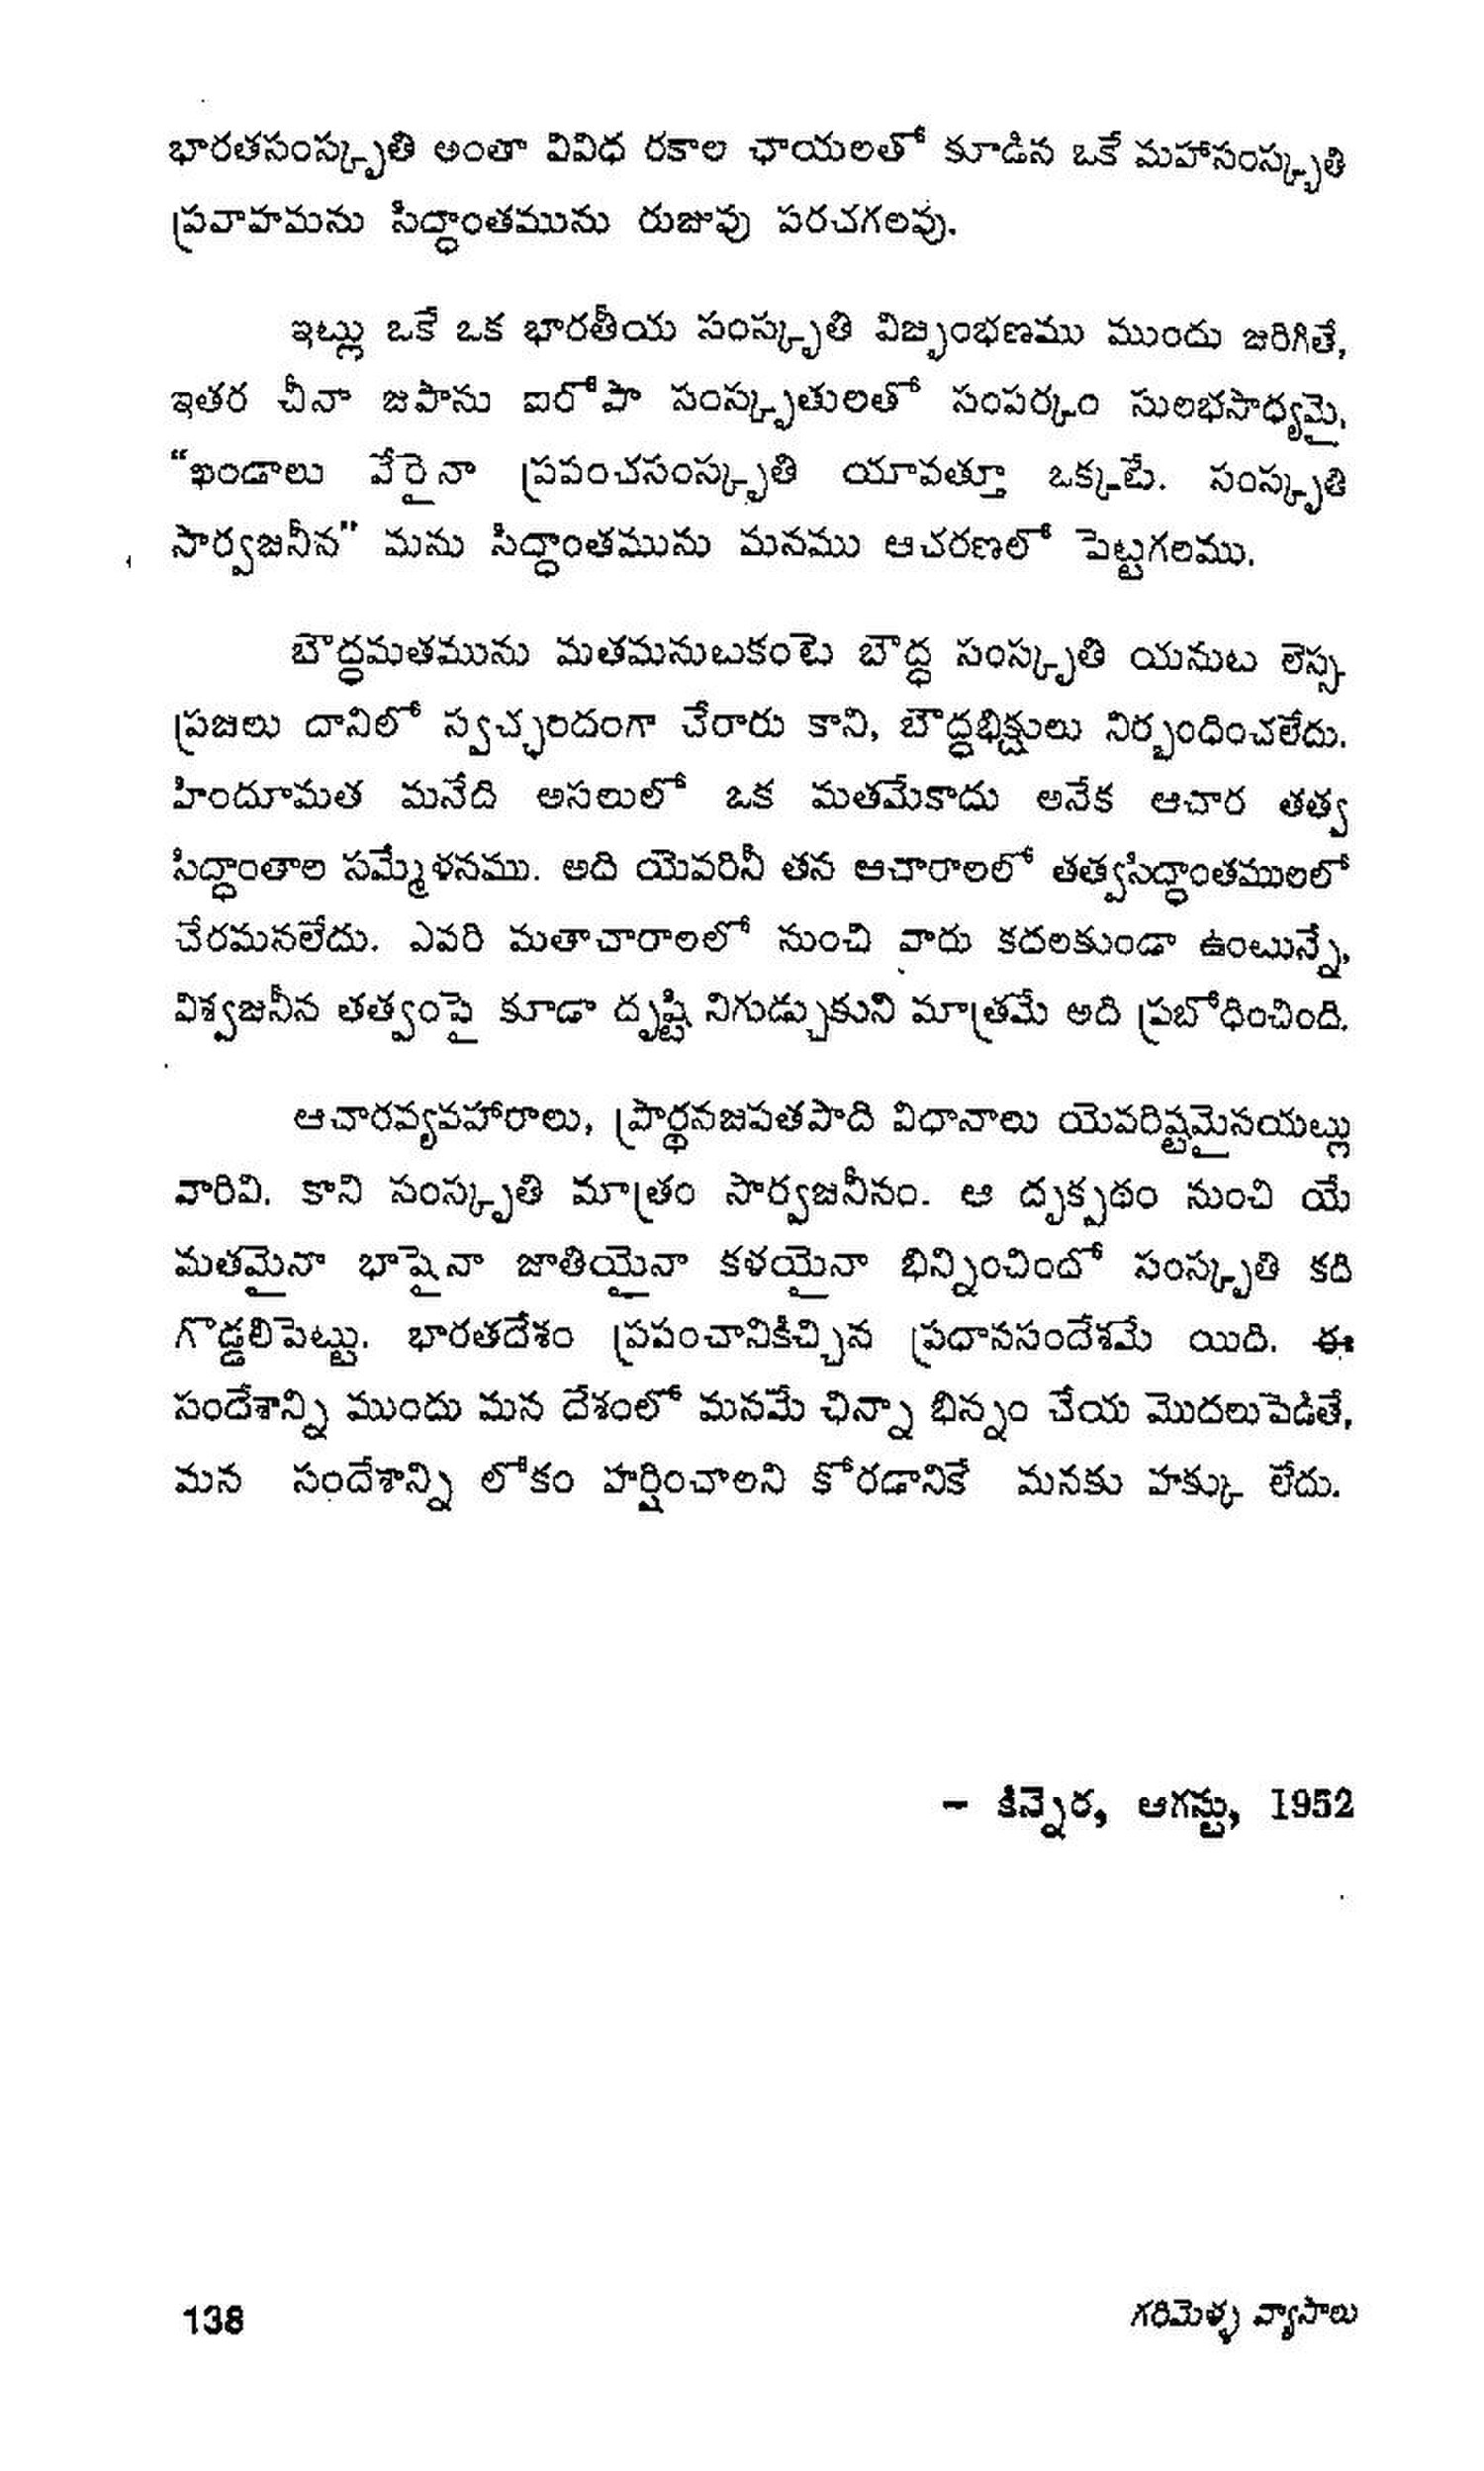భారతసంస్కృతి అంతా వివిధ రకాల ఛాయలతో కూడిన ఒకే మహాసంస్కృతి ప్రవాహమును సిద్దాంతమును రుజువు పరచగలవు.

ఇట్లు ఒకె భారతీయ సంస్కృతి విజృంభణము ముందు జరిగితే, ఇతర చీనా జపాను ఐరోపా సంస్కృతులతో సంపర్కం సులభసాధ్యమై "ఖండాలు వేరైనా ప్రపంచసంస్కృతి యావత్తూ ఒక్కటే. సంస్కృతి సార్వజనీన" మను సిద్దాంతమును మనము ఆచరణలో పెట్టగలము.

బౌద్ధమతమును మతమనుటకంటె భౌద్ధ సంస్కృతి యనుట లెస్స. ప్రజలు దానిలో స్వచ్ఛందంగా చేరారు కాని, భౌద్ధభిక్షులు నిర్భందించలేదు. హిందూమత మనేది అసలులో ఒక మతమేకాదు అనేక ఆచార తత్వసిద్ధాంతాల సమ్మేళనము. అది యెవరినీ తన ఆచారాలలో తత్వసిద్దాంతములలో చేరమనలేదు. ఎవరి మతాచారలలో నుంచి వారు కదలకుండా ఉంటున్నే, విశ్వజనీన తత్వంపై కూడా దృష్టి నిగుడ్చుకుని మాత్రమే అది ప్రభోధించింది.

ఆచారవ్యవహరాలు, ప్రార్థనజపతపాది విధానాలు యెవరిష్టమైనయట్లు వారివి. కాని సంస్కృతి మాత్రం సార్వజనీనం. ఆ దృక్పథం నుంచి యే మతమైనా భాషైనా జాతియైనా కళయైనా భిన్నించిందో సంస్కృతి కది గొడ్డలిపెట్టు. భారతదేశం ప్రపంచానికిచ్చిన ప్రధానసందేశమే యిది. ఈ సందేశాన్ని ముందు మన దేశంలో మనమే ఛిన్నా భిన్నం చేయ మొదలుపెడితే, మన సందేశాన్ని లోకం హర్షించాలని కోరడానికే మనకు హక్కు లేదు.